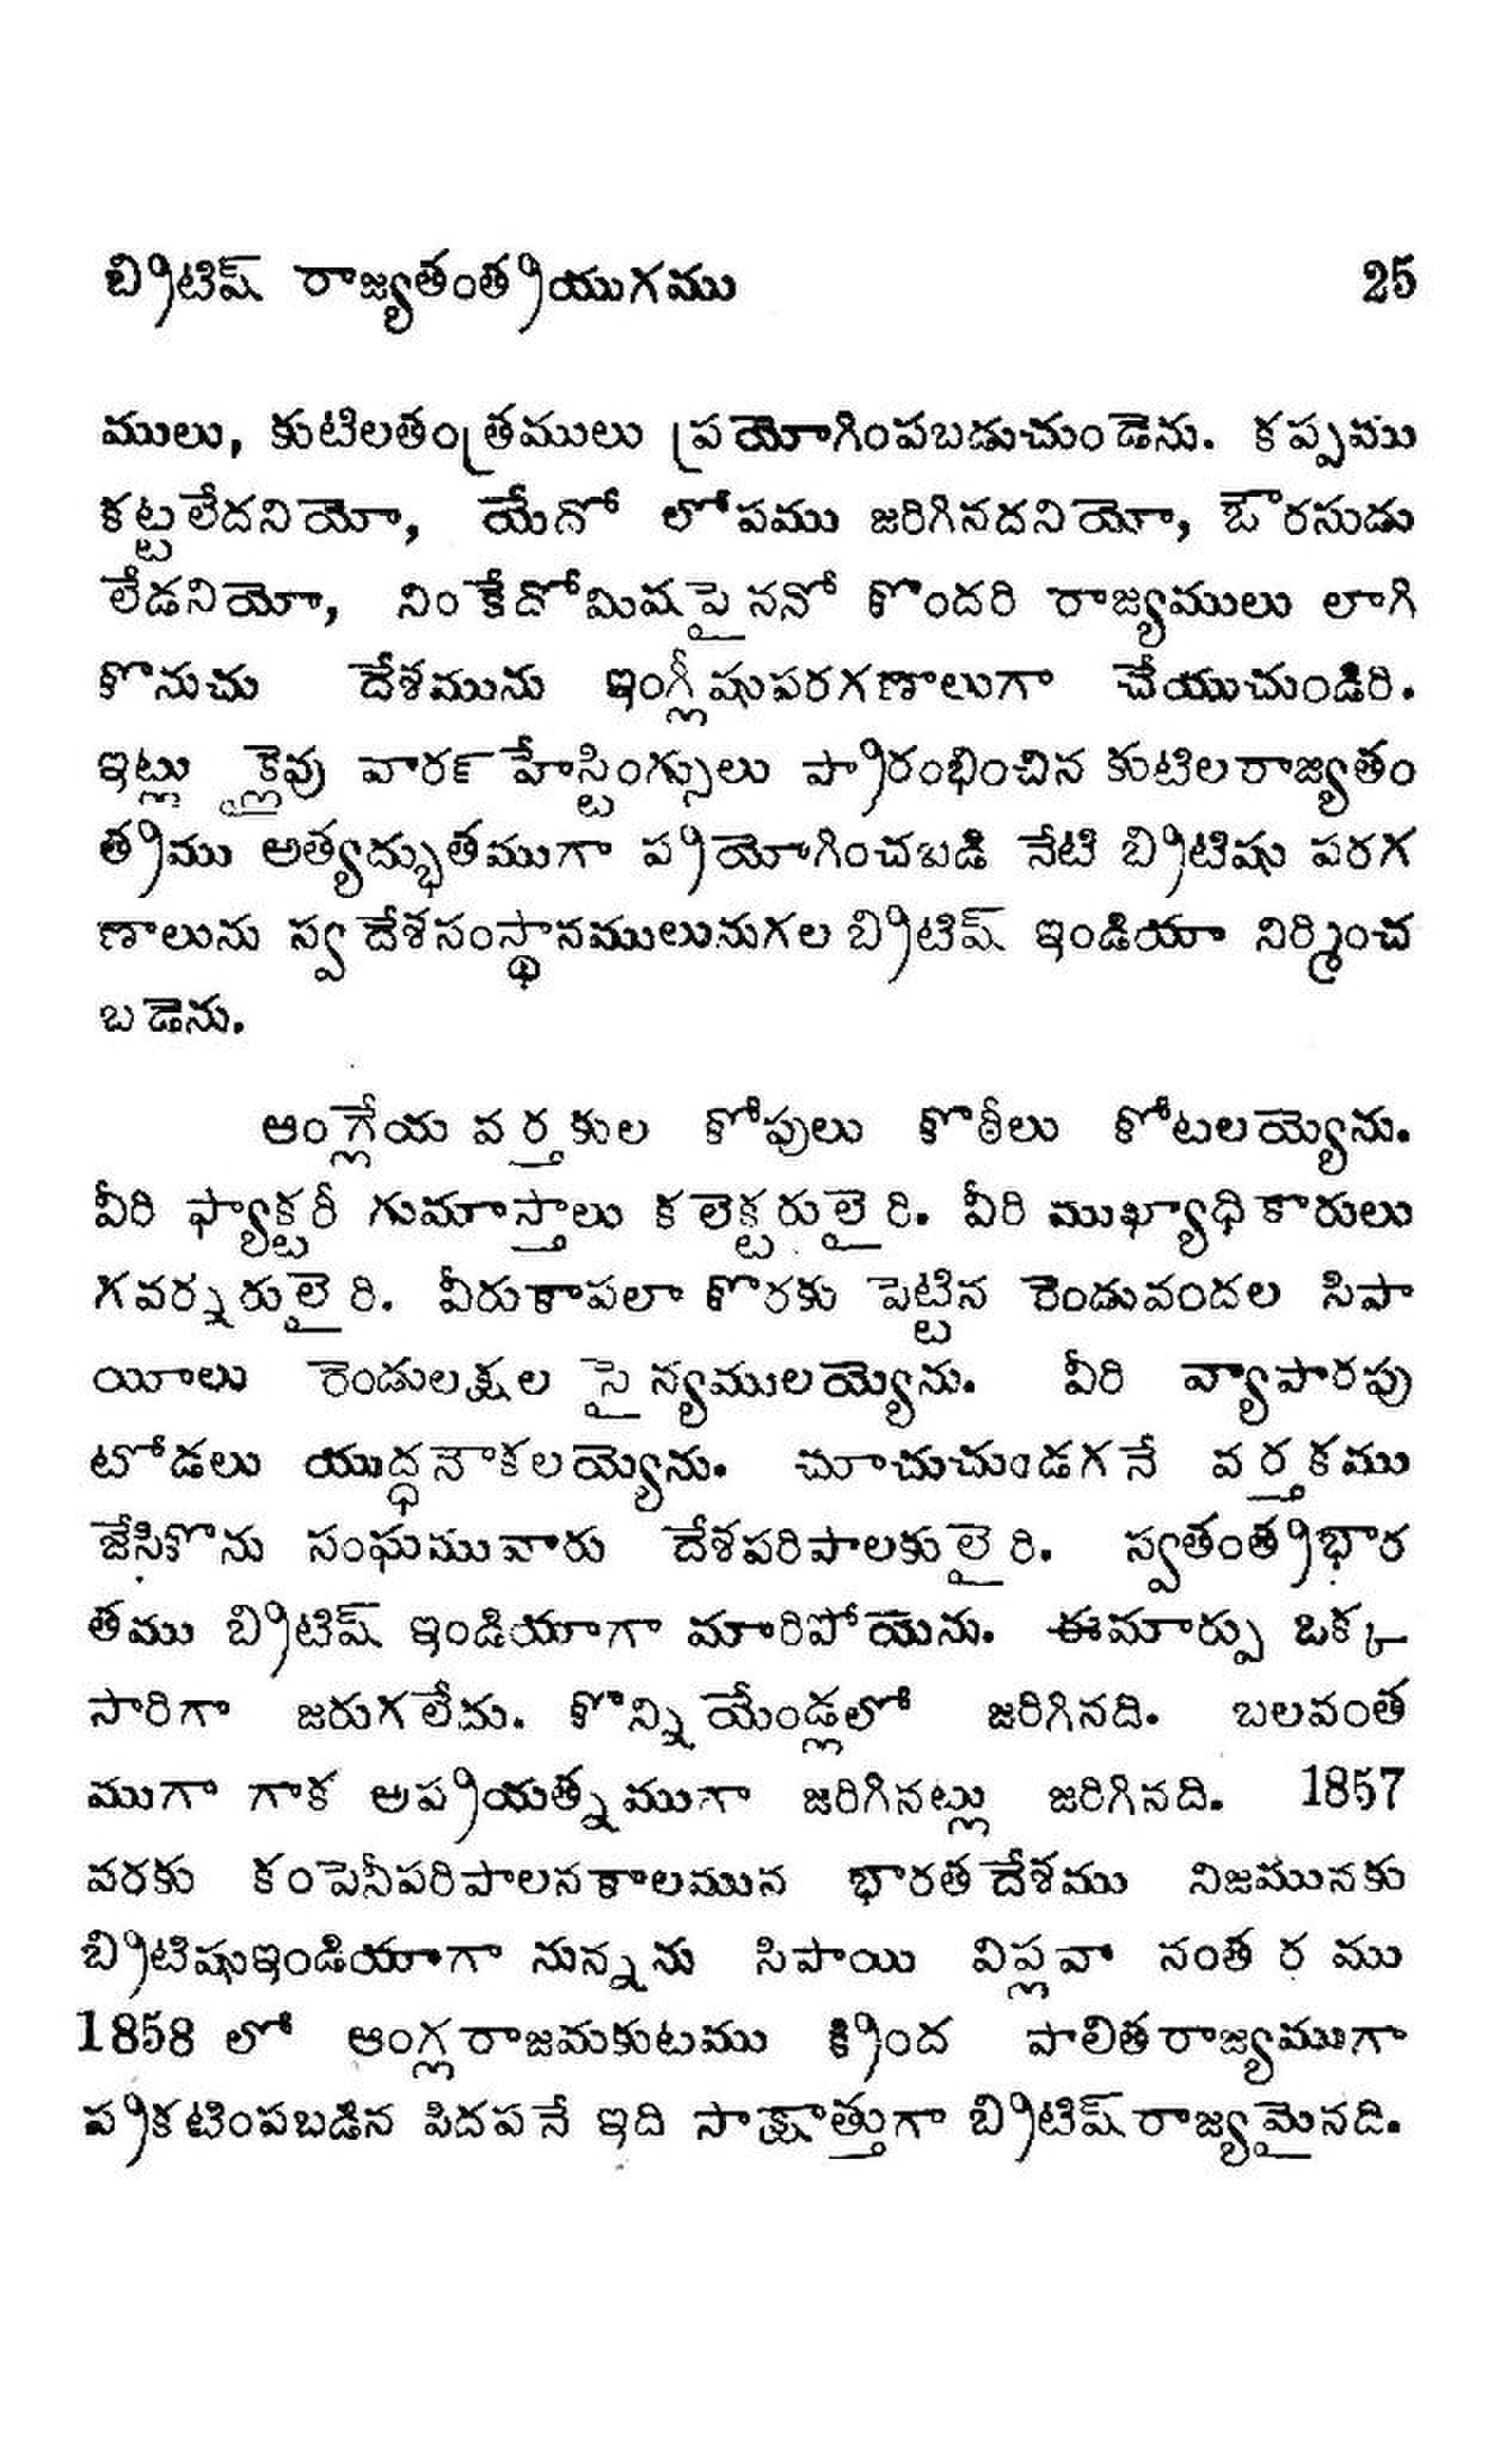ములు, కుటిలతంత్రములు ప్రయోగింపబడుచుండెను. కప్పము కట్టలేదనియో, యేదో లోపము జరిగినదనియో, ఔరసుడు లేడనియో, నింకేదోమిషపైననో కొందరి రాజ్యములు లాగి కొనుచు దేశమును ఇంగ్లీషుపరగణాలుగా చేయుచుండిరి. ఇట్లు క్లైవు వార౯ హేస్టింగ్సులు ప్రారంభించిన కుటిలరాజ్యతంత్రము అత్యద్భుతముగా ప్రయోగించబడి నేటి బ్రిటిషు పరగణాలును స్వదేశసంస్థానములునుగల బ్రిటిష్ ఇండియా నిర్మించబడెను.

ఆంగ్లేయ వర్తకుల కోపులు కొఠీలు కోటలయ్యెను. వీరి ఫ్యాక్టరీ గుమాస్తాలు కలెక్టరులైరి. వీరి ముఖ్యాధికారులు గవర్నరులైరి. వీరుకాపలా కొరకు పెట్టిన రెండువందల సిపాయీలు రెండులక్షల సైన్యములయ్యెను. వీరి వ్యాపారపు టోడలు యుద్ధనౌకలయ్యెను. చూచుచుండగనే వర్తకముజేసికొను సంఘమువారు దేశపరిపాలకులైరి. స్వతంత్రభారతము బ్రిటిష్ ఇండియాగా మారిపోయెను. ఈమార్పు ఒక్క సారిగా జరుగలేదు. కొన్నియేండ్లలో జరిగినది. బలవంతముగా గాక అప్రయత్నముగా జరిగినట్లు జరిగినది. 1857 వరకు కంపెనీపరిపాలనకాలమున భారతదేశము నిజమునకు బ్రిటిషుఇండియాగా నున్నను సిపాయి విప్లవా నంతరము 1858 లో ఆంగ్లరాజమకుటము క్రింద పాలితరాజ్యముగా ప్రకటింపబడిన పిదపనే ఇది సాక్షాత్తుగా బ్రిటిష్ రాజ్యమైనది.